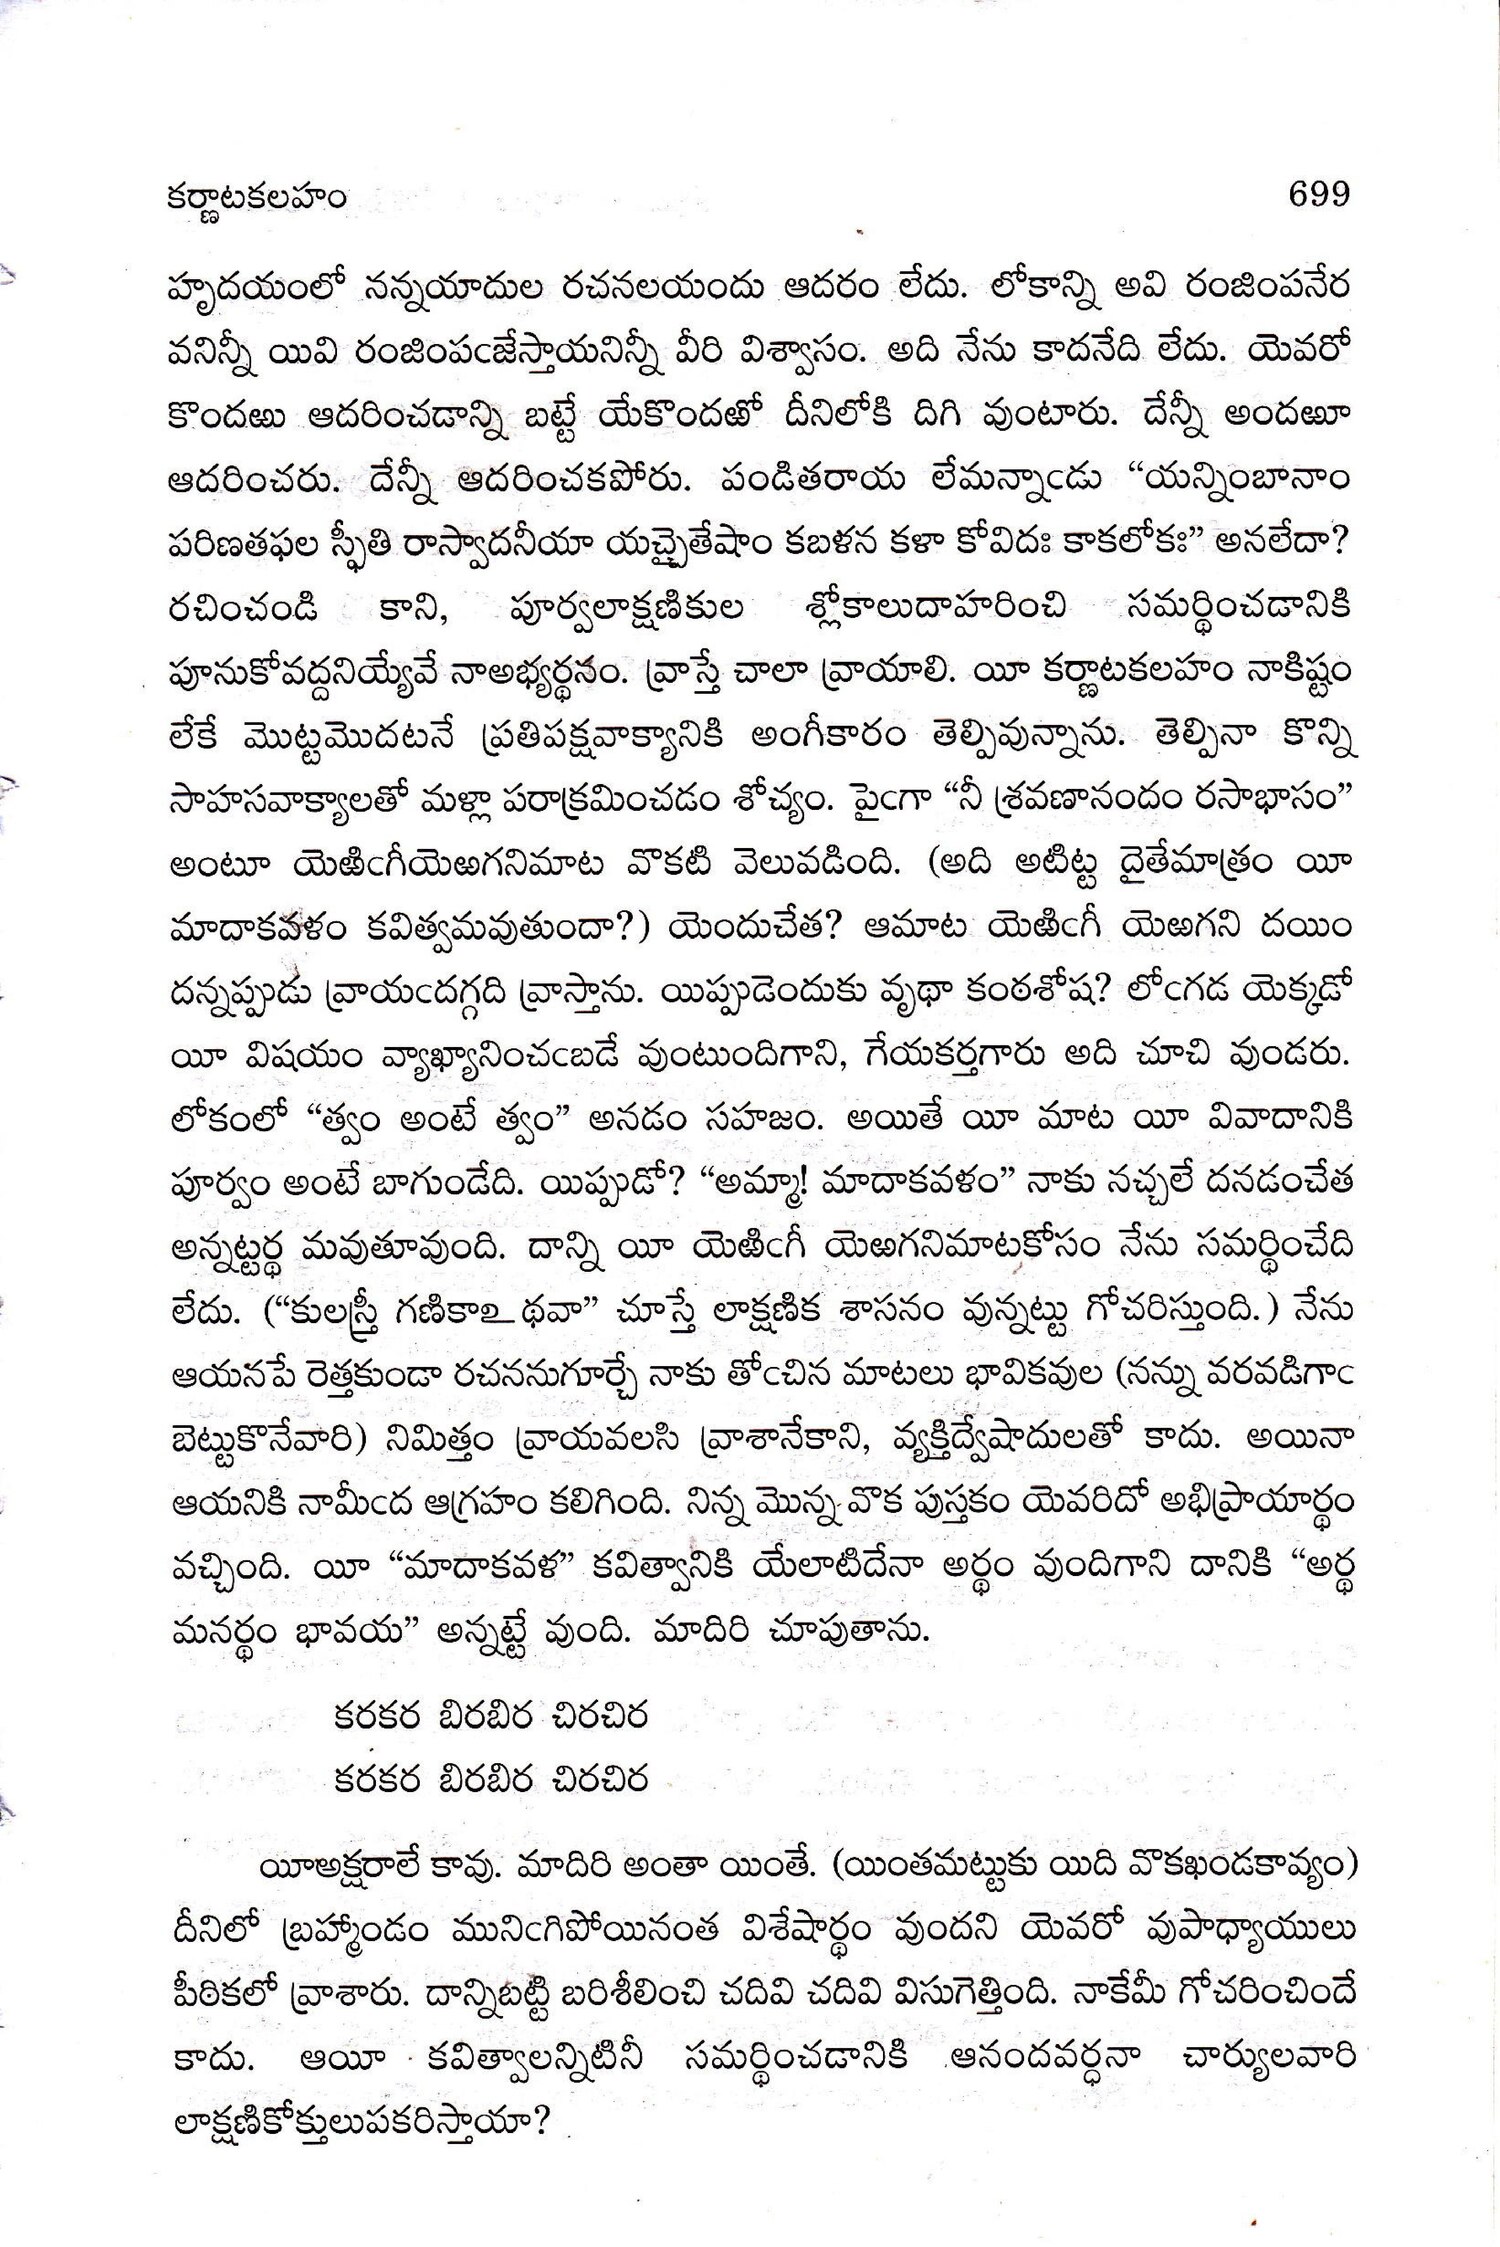హృదయంలో నన్నయాదుల రచనలయందు ఆదరం లేదు. లోకాన్ని అవి రంజింపనేర వనిన్నీ యివి రంజింపఁజేస్తాయనిన్నీ వీరి విశ్వాసం. అది నేను కాదనేది లేదు. యెవరో కొందఱు ఆదరించడాన్ని బట్టే యేకొందఱో దీనిలోకి దిగి వుంటారు. దేన్నీ అందఱూ ఆదరించరు. దేన్నీ ఆదరించకపోరు. పండితరాయ లేమన్నాఁడు “యన్నింబానాం పరిణతఫల సీృతి రాస్వాదనీయా యచ్చైతేషాం కబళన కళా కోవిదః కాకలోకః" అనలేదా? రచించండి కాని, పూర్వలాక్షణికుల శ్లోకాలుదాహరించి సమర్థించడానికి పూనుకోవద్దనియ్యేవే నాఅభ్యర్ధనం. వ్రాస్తే చాలా వ్రాయాలి. యీ కర్ణాటకలహం నాకిష్టం లేకే మొట్టమొదటనే ప్రతిపక్షవాక్యానికి అంగీకారం తెల్పివున్నాను. తెల్పినా కొన్ని సాహసవాక్యాలతో మళ్లా పరాక్రమించడం శోచ్యం. పైఁగా “నీ శ్రవణానందం రసాభాసం" అంటూ యెఱిఁగీయెఱగనిమాట వొకటి వెలువడింది. (అది అటిట్ట దైతేమాత్రం యీ మాదాకవళం కవిత్వమవుతుందా?) యెందుచేత? ఆమాట యెఱిఁగీ యెఱగని దయిం దన్నప్పుడు వ్రాయందగ్గది వ్రాస్తాను. యిప్పుడెందుకు వృథా కంఠశోష? లోఁగడ యెక్కడో యీ విషయం వ్యాఖ్యానించఁబడే వుంటుందిగాని, గేయకర్తగారు అది చూచి వుండరు. లోకంలో “త్వం అంటే త్వం” అనడం సహజం. అయితే యీ మాట యీ వివాదానికి పూర్వం అంటే బాగుండేది. యిప్పుడో? “అమ్మా! మాదాకవళం" నాకు నచ్చలే దనడంచేత అన్నట్టర్ధ మవుతూవుంది. దాన్ని యీ యెఱిఁగీ యెఱగనిమాటకోసం నేను సమర్ధించేది లేదు. ("కులస్త్రీ గణికా౽థవా" చూస్తే లాక్షణిక శాసనం వున్నట్టు గోచరిస్తుంది.) నేను ఆయనపే రెత్తకుండా రచననుగూర్చే నాకు తోఁచిన మాటలు భావికవుల (నన్ను వరవడిగాఁ బెట్టుకొనేవారి) నిమిత్తం వ్రాయవలసి వ్రాశానేకాని, వ్యక్తిద్వేషాదులతో కాదు. అయినా ఆయనికి నామీఁద ఆగ్రహం కలిగింది. నిన్న మొన్నవొక పుస్తకం యెవరిదో అభిప్రాయార్థం వచ్చింది. యీ "మాదాకవళ" కవిత్వానికి యేలాటిదేనా అర్థం వుందిగాని దానికి “అర్థ మనర్థం భావయ" అన్నట్టే వుంది. మాదిరి చూపుతాను.

కరకర బిరబిర చిరచిర
కరకర బిరబిర చిరచిర
యీఅక్షరాలే కావు. మాదిరి అంతా యింతే. (యింతమట్టుకు యిది వొకఖండకావ్యం) దీనిలో బ్రహ్మాండం మునిఁగిపోయినంత విశేషార్థం వుందని యెవరో వుపాధ్యాయులు పీఠికలో వ్రాశారు. దాన్నిబట్టి బరిశీలించి చదివి చదివి విసుగెత్తింది. నాకేమీ గోచరించిందే కాదు. ఆయీ కవిత్వాలన్నిటినీ సమర్ధించడానికి ఆనందవర్ధనా చార్యులవారి లాక్షణికోక్తులుపకరిస్తాయా?